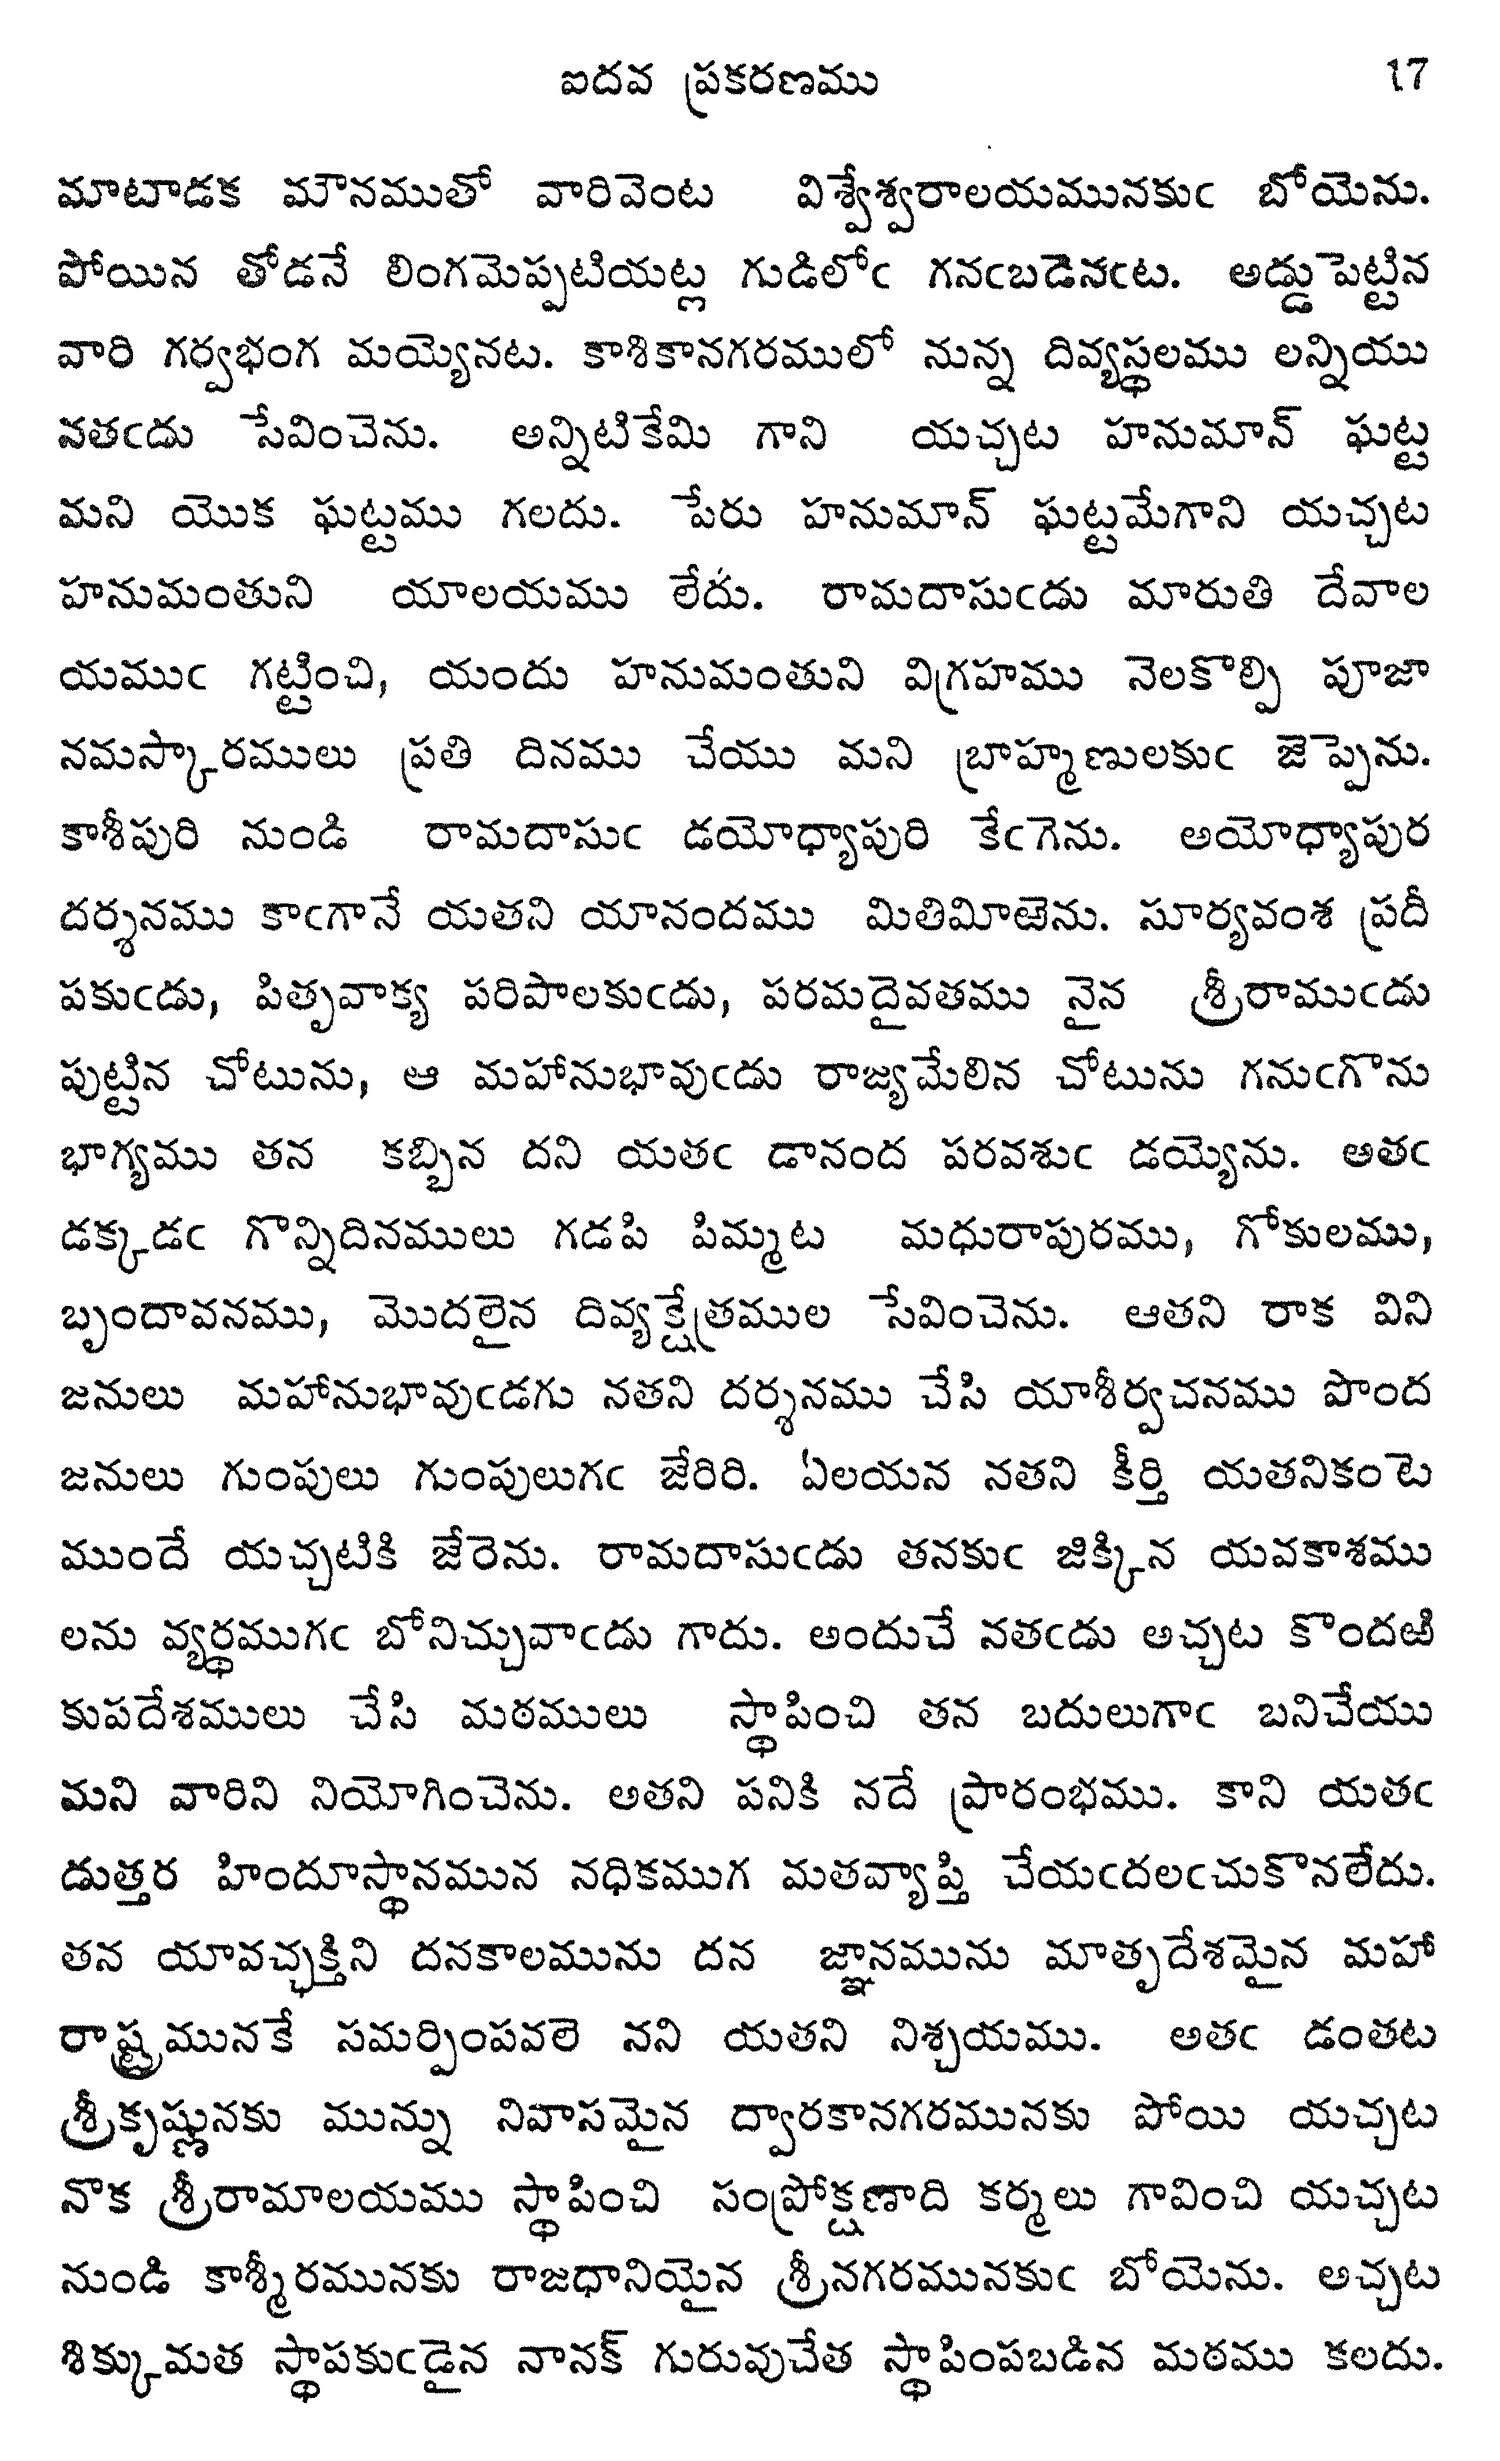మాటాడక మౌనముతో వారివెంట విశ్వేశ్వరాలయమునకు బోయెను. పోయిన తోడనే లింగమెప్పటియట్ల గుడిలో గనబడెనట. అడ్డుపెట్టిన వారి గర్వభంగ మయ్యెనట. కాశినగరములో నున్న దివ్యస్థలము లన్నియు నతడు సేవించెను. అన్నిటికేమి గాని యచ్చట హనుమాన్ ఘట్టమని యొక ఘట్టము గలదు. పేరు హనుమాన్ ఘట్టమేగాని యచ్చట హనుమంతుని యాలయము లేదు. రామదాసుడు మారుతి దేవాలయము గట్టించి, యందు హనుమంతుని విగ్రహము నెలకొల్పి పూజా నమస్కారములు ప్రతి దినము చేయు మని బ్రాహ్మణులకు జెప్పెను. కాశీపురి నుండి రామదాసు డయోధ్యాపురి కేగెను. అయోధ్యాపుర దర్శనము కాగానే యతని యానందము మితిమీఱెను. సూర్యవంశ ప్రదీపకుడు, పితృవాక్య పరిపాలకుడు, పరమదైవతము నైన శ్రీరాముడు పుట్టిన చోటును, ఆ మహానుభావుడు రాజ్యమేలిన చోటును గనుగొను భాగ్యము తన కబ్బిన దని యత డానంద పరవశు డయ్యెను. అతడక్కడ గొన్నిదినములు గడపి పిమ్మట మధురాపురము, గోకులము, బృందావనము, మొదలైన దివ్యక్షేత్రముల సేవించెను. ఆతని రాక విని జనులు మహానుభావుడగు నతని దర్శనము చేసి యాశీర్వచనము పొంద జనులు గుంపులు గుంపులుగ జేరిరి. ఏలయన నతని కీర్తి యతనికంటె ముందే యచ్చటికి జేరెను. రామదాసుడు తనకు జిక్కిన యవకాశములను వ్యర్థముగ బోనిచ్చువాడు గాదు. అందుచే నతడు అచ్చట కొందఱి కుపదేశములు చేసి మఠములు స్థాపించి తన బదులుగా బనిచేయుమని వారిని నియోగించెను. అతని పనికి నదే ప్రారంభము. కాని యతడుత్తర హిందూస్థానమున నధికముగ మతవ్యాప్తి చేయదలచుకొనలేదు. తన యావచ్ఛక్తిని దనకాలమును దన జ్ఞానమును మాతృదేశమైన మహారాష్ట్రమునకే సమర్పింపవలె నని యతని నిశ్చయము. అత డంతట శ్రీకృష్ణునకు మున్ను నివాసమైన ద్వారకానగరమునకు పోయి యచ్చట నొక శ్రీరామాలయము స్థాపించి సంప్రోక్షణాది కర్మలు గావించి యచ్చట నుండి కాశ్మీరమునకు రాజధానియైన శ్రీనగరమునకు బోయెను. అచ్చట శిక్కుమత స్థాపకుడైన నానక్ గురువుచేత స్థాపింపబడిన మఠము కలదు.